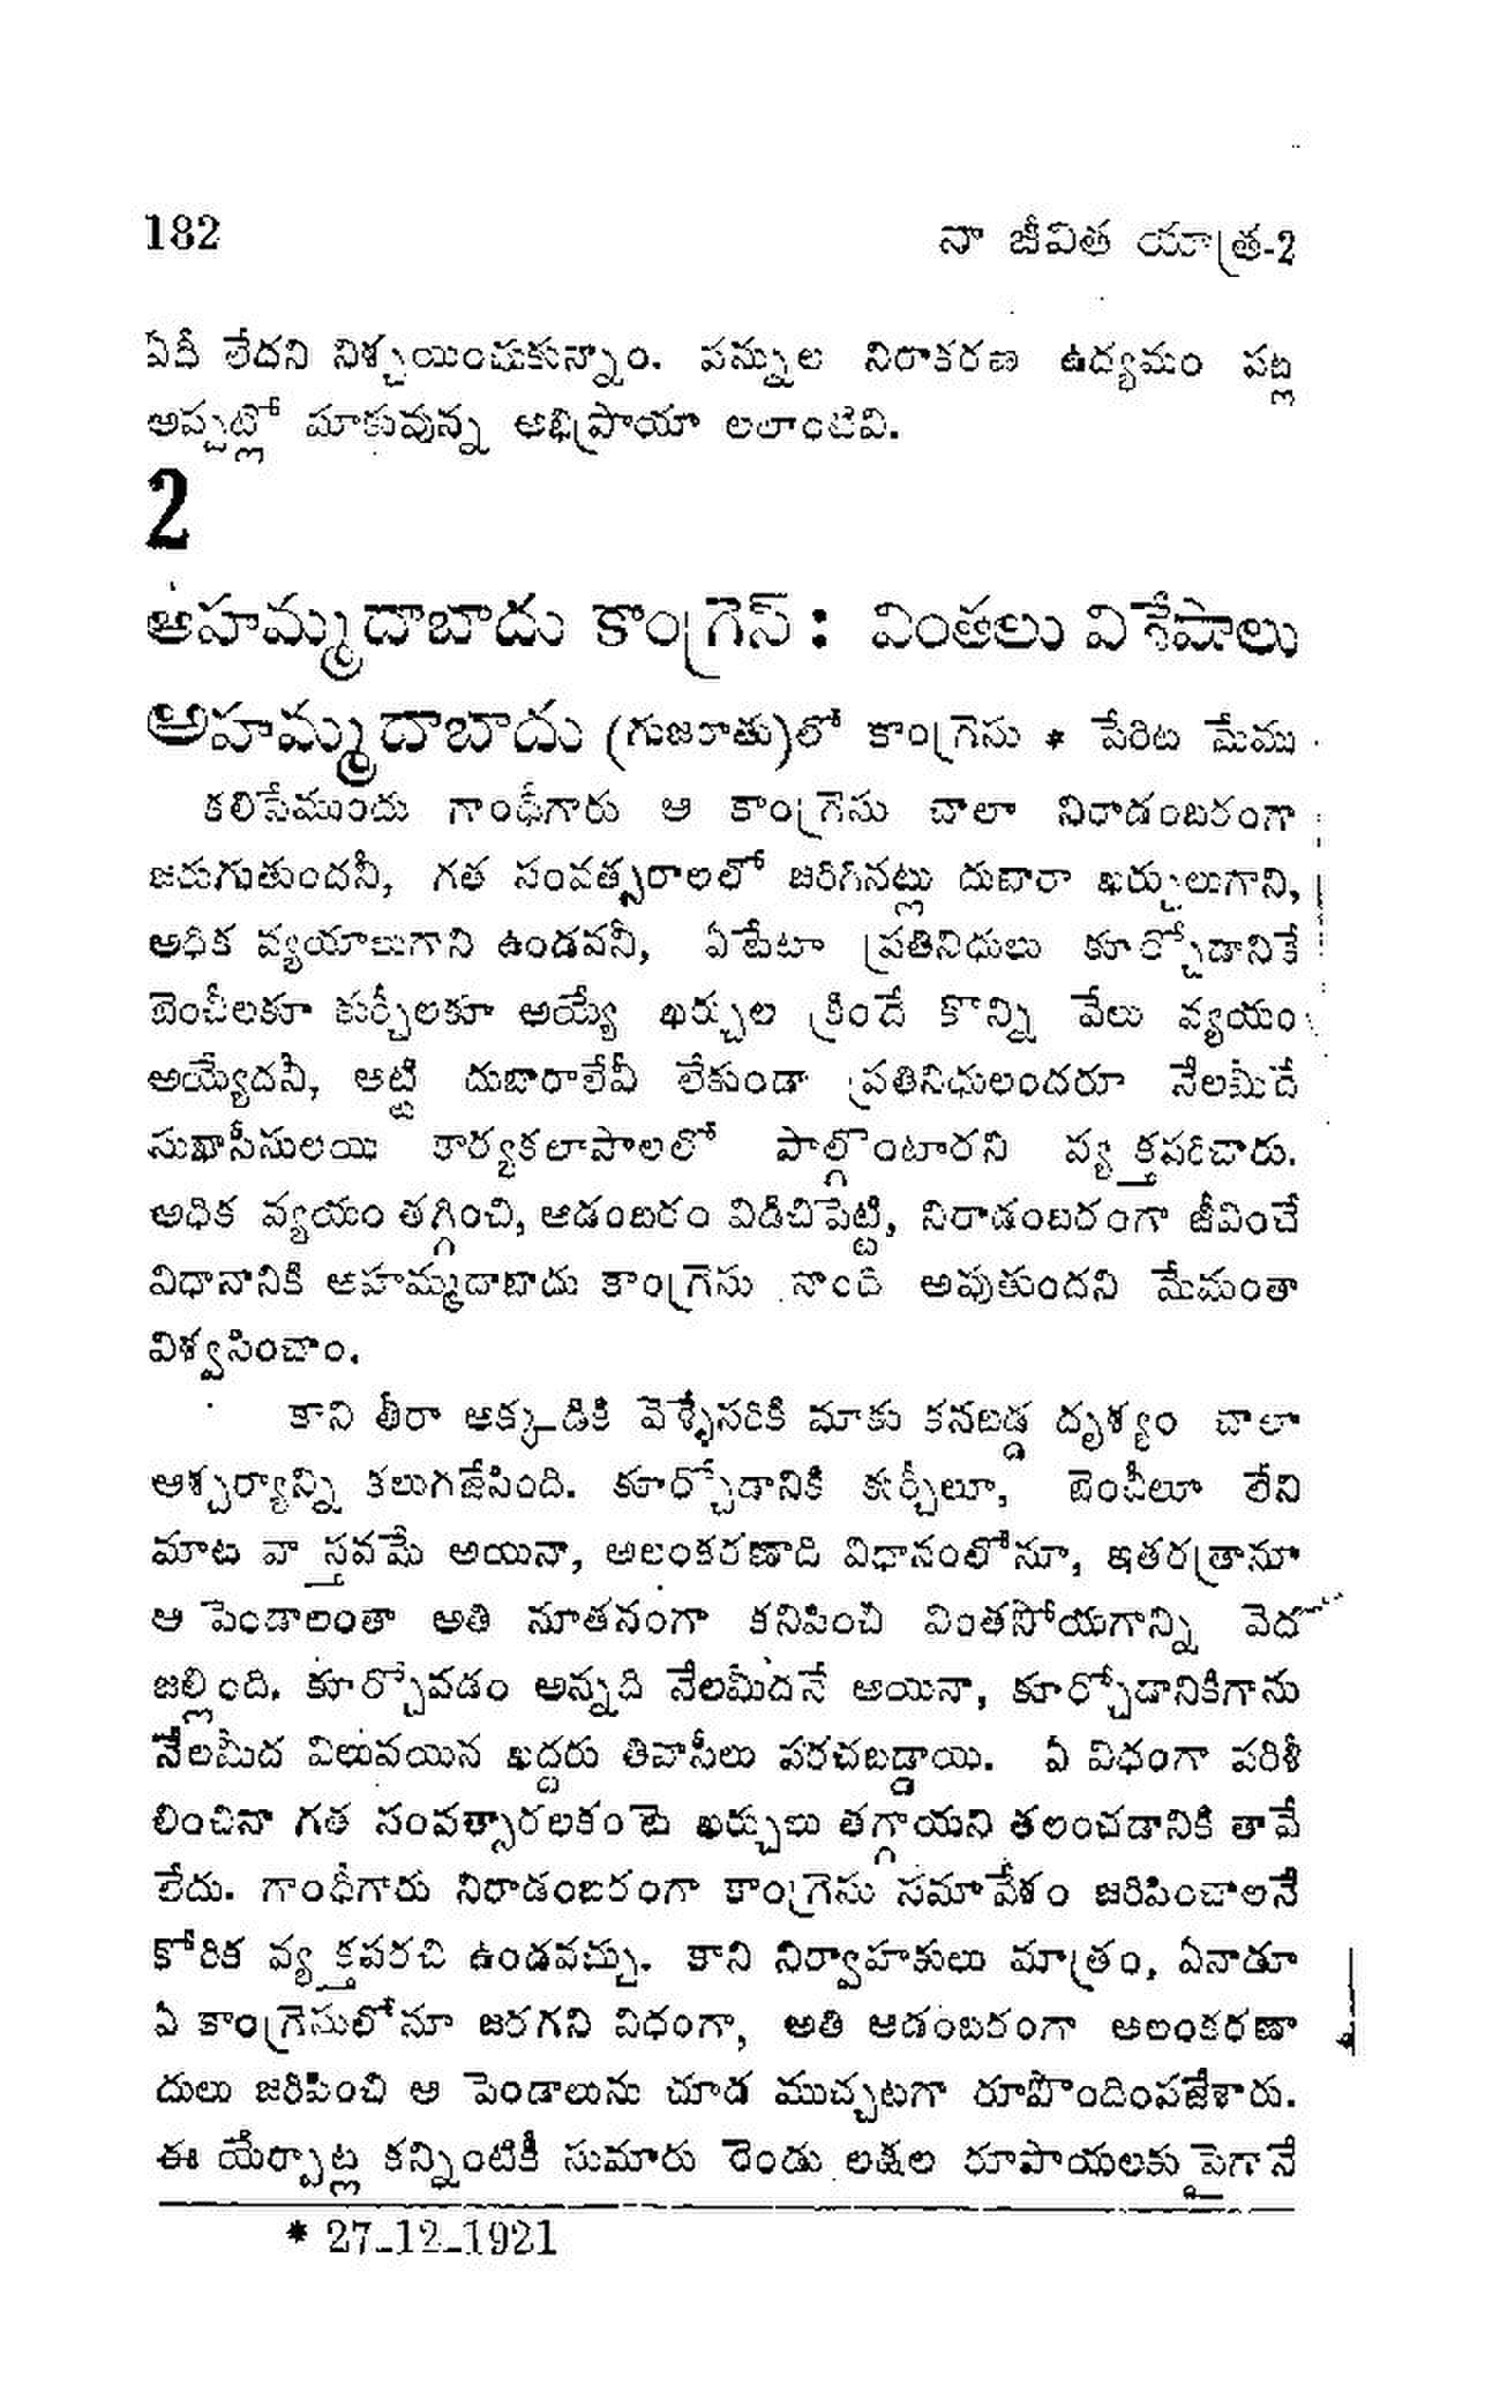ఏదీ లేదని నిశ్చయించుకున్నాం. పన్నుల నిరాకరణ ఉద్యమం పట్ల అప్పట్లో మాకువున్న అభిప్రాయా లలాంటివి.

అహమ్మదాబాదు (గుజరాతు) లో కాంగ్రెసు పేరిట మేము కలిసే ముందు గాంధీగారు ఆ కాంగ్రెసు చాలా నిరాడంబరంగా జరుగుతుందనీ, గత సంవత్సరాలలో జరిగినట్లు దుబారా ఖర్చులుగాని, అధిక వ్యయాలుగాని ఉండవనీ, ఏటేటా ప్రతినిధులు కూర్చోడానికే బెంచీలకూ కుర్చీలకూ అయ్యే ఖర్చుల క్రిందే కొన్ని వేలు వ్యయం అయ్యేదనీ, అట్టి దుబారాలేవీ లేకుండా ప్రతినిధులందరూ నేలమీదే సుఖాసీనులయి కార్యకలాపాలలో పాల్గొంటారని వ్యక్తపరిచారు. అధిక వ్యయం తగ్గించి, ఆడంబరం విడిచిపెట్టి, నిరాడంబరంగా జీవించే విధానానికి అహమ్మదాబాదు కాంగ్రెసు నాంది అవుతుందని మేమంతా విశ్వసించాం.

కాని తీరా అక్కడికి వెళ్ళేసరికి మాకు కనబడ్డ దృశ్యం చాలా ఆశ్చర్యాన్ని కలుగజేసింది. కూర్చోడానికి కుర్చీలూ, బెంచీలూ లేని మాట వాస్తవమే అయినా, అలంకరణాది విధానంలోనూ, ఇతరత్రానూ ఆ పెండాలంతా అతి నూతనంగా కనిపించి వింతసోయగాన్ని వెదజల్లింది. కూర్చోవడం అన్నది నేలమీదనే అయినా, కూర్చోడానికిగాను నేలమీద విలువయిన ఖద్దరు తివాసీలు పరచబడ్డాయి. ఏ విధంగా పరిశీలించినా గత సంవత్సారలకంటె ఖర్చులు తగ్గాయని తలంచడానికి తావేలేదు. గాంధీగారు నిరాడంబరంగా కాంగ్రెసు సమావేశం జరిపించాలనే కోరిక వ్యక్తపరచి ఉండవచ్చు. కాని నిర్వాహకులు మాత్రం, ఏనాడూ ఏ కాంగ్రెసులోనూ జరగని విధంగా, అతి ఆడంబరంగా అలంకరణాదులు జరిపించి ఆ పెండాలును చూడ ముచ్చటగా రూపొందింపజేశారు. ఈ యేర్పాట్ల కన్నింటికీ సుమారు రెండు లక్షల రూపాయలకు పైగానే